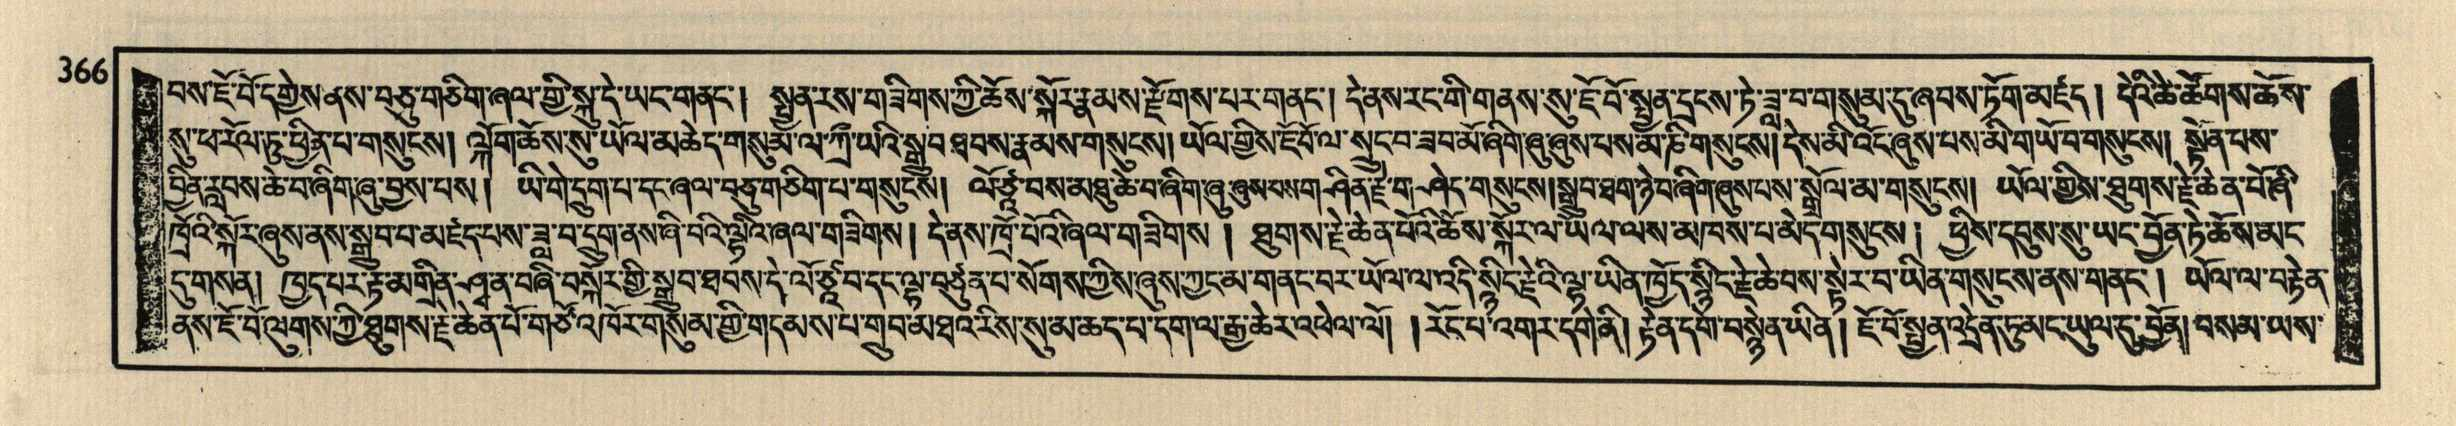བས་ཇོ་བོ་དགྱེས་ནས་བཅུ་གཅིག་ཞལ་གྱི་སྐུ་དེ་ཡང་གནང་། སྤྱན་རས་གཟིགས་ཀྱི་ཆོས་སྐོར་རྣམས་རྫོགས་པར་གནང་། དེ་ནས་རང་གི་གནས་སུ་ཇོ་བོ་སྤྱན་དྲངས་ཏེ་ཟླ་བ་གསུམ་དུ་ཞབས་ཏོག་མཛད། དེའི་ཚེ་ཚོགས་ཆོས་
སུ་ཕ་རོལ་ཏུ་ཕྱིན་པ་གསུངས། ལྐོག་ཆོས་སུ་ཡུལ་མཆེད་གསུམ་ལ་ཀྲྀ་ཡའི་སྒྲུབ་ཐབས་རྣམས་གསུངས། ཡོལ་གྱིས་ཇོ་བོ་ལ་སྲུང་བ་ཟབ་མོ་ཞིག་ཞུ་ཞུས་པས་མ་ཎི་གསུངས། དེས་མི་འོང་ཞུས་པས་མི་གཡོ་བ་གསུངས། སྟོན་པས་
བྱིན་རླབས་ཆེ་བ་ཞིག་ཞུ་བྱས་པས། ཡི་གེ་དྲུག་པ་དང་ཞལ་བཅུ་གཅིག་པ་གསུངས། ལོ་ཙཱ་བས་མཐུ་ཆེ་བ་ཞིག་ཞུ་ཞུས་པས་གཤིན་རྗེ་གཤེད་གསུངས། སྒྲུབ་ཐག་ཉེ་བ་ཞིག་ཞུས་པས་སྒྲོལ་མ་གསུངས། ཡོལ་གྱིས་ཐུགས་རྗེ་ཆེན་པོ་ཞི་
ཁྲོའི་སྐོར་ཞུས་ནས་སྒྲུབ་པ་མཛད་པས་ཟླ་བ་དྲུག་ནས་ཞི་བའི་ལྷའི་ཞལ་གཟིགས། དེ་ནས་ཁྲོ་བོའི་ཞལ་གཟིགས། ཐུགས་རྗེ་ཆེན་པོའི་ཆོས་སྐོར་ལ་ཡོལ་ལས་མཁས་པ་མེད་གསུངས། ཕྱིས་དབུས་སུ་ཡང་བྱོན་ཏེ་ཆོས་མང་
དུ་གསན། ཁྱད་པར་རྟ་མགྲིན་ཤྭ་ན་བཞི་བསྐོར་གྱི་སྒྲུབ་ཐབས་དེ་ལོ་ཙཱ་བ་དང་ལྷ་བཙུན་པ་སོགས་ཀྱིས་ཞུས་ཀྱང་མ་གནང་བར་ཡོལ་ལ་འདི་སྙིང་རྗེའི་ལྷ་ཡིན་ཁྱོད་སྙིང་རྗེ་ཆེ་བས་སྟེར་བ་ཡིན་གསུངས་ནས་གནང་། ཡོལ་ལ་བརྟེན་
ནས་ཇོ་བོ་ལུགས་ཀྱི་ཐུགས་རྗེ་ཆེན་པོ་གཙོ་འཁོར་གསུམ་གྱི་གདམས་པ་གྲུབ་མཐའ་རིས་སུ་མ་ཆད་པ་དག་ལ་རྒྱ་ཆེར་འཕེལ་ལོ། །རོང་པ་འགར་དགེ་ནི། རྟེན་དགེ་བསྙེན་ཡིན། ཇོ་བོ་སྤྱན་འདྲེན་ཏུ་མང་ཡུལ་དུ་བྱོན། བསམ་ཡས་